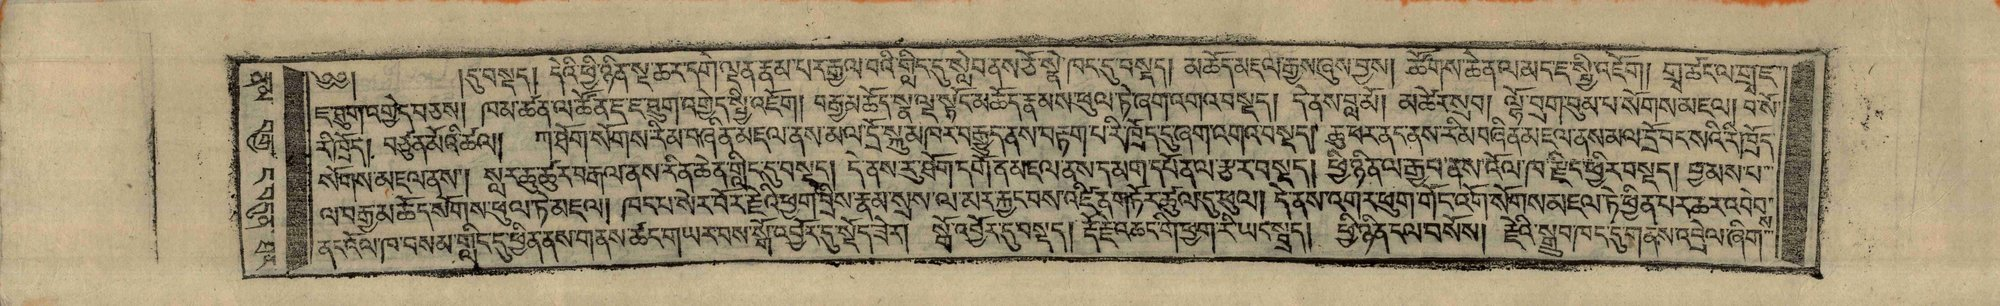༄༅། །དུ་བསྡད། དེའི་ཕྱི་ཉིན་སྔ་ཆར་དགེ་ལྡན་རྣམ་པར་རྒྱལ་བའི་གླིང་དུ་སླེབ་ནས་ཅོ་སྣེ་ཁང་དུ་བསྡད། མཆོད་མཇལ་རྒྱས་ཞུས་བྱས། ཚོགས་ཆེན་ལ་མང་ཇ་སྤྱི་འཇོག །གྲྭ་ཚང་ལ་གྲྭ་ཇ་
ཇ་ཐུག་འགྱེད་བཅས། ཁམ་ཚན་ལ་ཚོན་ཇ་ཇ་ཐུག་འགྱེད་སྤྱི་འཇོག །བརྒྱ་མཆོད་སྣ་ལྔ་སྟོང་མཆོད་རྣམས་ཕུལ་ཏེ་ཞག་འགའ་བསྡད། དེ་ནས་བླ་མོ། མཚེར་སྲབ། ལྷོ་བྲག་བུམ་པ་སོགས་མཇལ། བ་སོ་
རི་ཁྲོད། བཙུན་མོའི་ཚལ། ཀ་ཐོག་སོགས་རིམ་བཞིན་མཇལ་ནས་མལ་དྲོ་སྐུ་མཁར་བརྒྱུད་ནས་བརྟག་པ་རི་ཁྲོད་དུ་ཞག་འགའ་བསྡད། ཆུ་ཕར་ནང་ནས་རིམ་བཞིན་མཇལ་ནས་མལ་དྲོ་བང་སའི་རི་ཁྲོད།
སོགས་མཇལ་ནས། སླར་ཆུ་ཚུར་བརྒལ་ནས་རིན་ཆེན་གླིང་དུ་བསྡད། དེ་ནས་རུ་ཐོག་དགོན་མཇལ་ནས་དམག་དཔོན་ལ་རྩར་བསྡད། ཕྱི་ཉིན་ལ་རྒྱབ་ནས་འོལ་ཁ་རྫིང་ཕྱིར་བསྡད། བྱམས་པ་
ལ་བརྒྱ་མཆོད་སོགས་ཕུལ་ཏེ་མཇལ། ཁང་པ་སེར་བོར་རྗེའི་ཕྱག་བྲིས་རྣམ་སྲས་ལ་མར་རྐྱང་བས་འཛིན་གཏོར་ཚུལ་དུ་ཕུལ། དེ་ནས་འགར་ཕུག་གོང་འོག་སོགས་མཇལ་ཏེ་ཕྱིན་པར་ཆར་འབེབས་
ནང་འོལ་ཁ་བསམ་གླིང་དུ་ཕྱིན་ནས་གནས་ཚང་གཡར་བས་སྒོ་འབྱོར་དུ་སྡོད་ཟེར། སྒོ་འབྱོར་དུ་བསྡད། རྡོ་རྗེ་འཆང་གི་ཕྱག་རི་ཡང་སྦྲད། ཕྱི་ཉིན་ངལ་བསོས། རྗེའི་སྒྲུབ་ཁང་དུ་གནས་འབྲེལ་ཞིག་